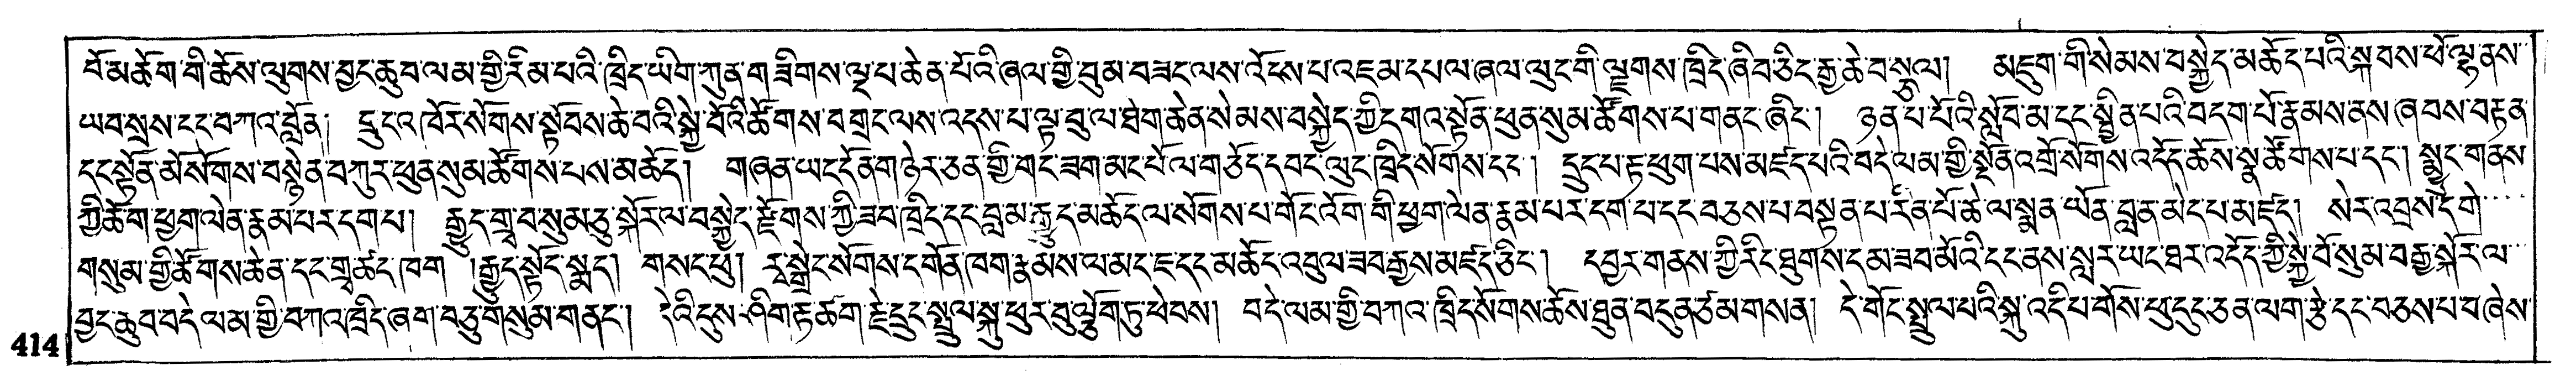བོ་མཆོག་གི་ཆོས་ལུགས་བྱང་ཆུབ་ལམ་གྱི་རིམ་པའི་ཁྲིད་ཡིག་ཀུན་གཟིགས་ལྔ་པ་ཆེན་པོའི་ཞལ་གྱི་བུམ་བཟང་ལས་འོངས་པ་འཇམ་དཔལ་ཞལ་ལུང་གི་ལྗགས་ཁྲིད་ཞི་བཅིང་རྒྱ་ཆེ་བ་སྩལ། མཇུག་གི་སེམས་བསྐྱེད་མཆོད་པའི་སྐབས་ཕོ་ལྷ་ནས་
ཡབ་སྲས་དང་བཀའ་བློན། དྲུང་འཁོར་སོགས་སྟོབས་ཆེ་བའི་སྐྱེ་བོའི་ཚོགས་བགྲང་ལས་འདས་པ་ལྟ་བུ་ལ་ཐེག་ཆེན་སེམས་བསྐྱེད་ཀྱི་དགའ་སྟོན་ཕུན་སུམ་ཚོགས་པ་གནང་ཞིང་། ཉན་པ་པོའི་སློབ་མ་དང་སྦྱིན་པའི་བདག་པོ་རྣམས་ནས་ཞབས་བརྟན་
དང་སྟོན་མོ་སོགས་བསྙེན་བཀུར་ཕུན་སུམ་ཚོགས་པས་མཆོད། གཞན་ཡང་དོན་གཉེར་ཅན་གྱི་གང་ཟག་མང་པོ་ལ་གཅོད་དབང་ལུང་ཁྲིད་སོགས་དང་། དྲུང་པ་རྟ་ཕུག་བས་མཛད་པའི་བདེ་ལམ་གྱི་སྔོན་འགྲོ་སོགས་འདོད་ཆོས་སྣ་ཚོགས་པ་དང་། སྨྱུང་གནས་
ཀྱི་ཆོ་ག་ཕྱག་ལེན་རྣམ་པར་དག་པ། རྒྱུད་གྲྭ་བ་སུམ་ཅུ་སྐོར་ལ་བསྐྱེད་རྫོགས་ཀྱི་ཟབ་ཁྲིད་དང་བླ་མ་རྒྱུད་མཆོད་ལ་སོགས་པ་གོང་འོག་གི་ཕྱག་ལེན་རྣམ་པར་དག་བ་དང་བཅས་པ་བསྟན་པ་རིན་པོ་ཆེ་ལ་སྨན་ཡོན་བླ་ན་མེད་པ་མཛད། སེར་འབྲས་དགེ་
གསུམ་གྱི་ཚོགས་ཆེན་དང་གྲྭ་ཚང་ཁག །རྒྱུད་སྟོད་སྨད། གསང་ཕུ། རྭ་སྒྲེང་སོགས་དགོན་ཁག་རྣམས་ལ་མང་ཇ་དང་མཆོད་འབུལ་ཟབ་རྒྱས་མཛད་ཅིང་། དབྱར་གནས་ཀྱི་རིང་ཐུགས་དམ་ཟབ་མོའི་ངང་ནས་སླར་ཡང་ཐར་འདོད་ཀྱི་སྐྱེ་བོ་སུམ་བརྒྱ་སྐོར་ལ་
བྱང་ཆུབ་བདེ་ལམ་གྱི་བཀའ་ཁྲིད་ཞག་བཅུ་གསུམ་གནང་། དེའི་དུས་ཤིག་རྟ་ཚག་རྗེ་དྲུང་སྤྲུལ་སྐུ་ཕུར་བུ་ལྕོག་ཏུ་ཕེབས། བདེ་ལམ་གྱི་བཀའ་ཁྲིད་སོགས་ཆོས་ཐུན་བདུན་ཙམ་གསན། དེ་གོང་སྤྲུལ་པའི་སྐུ་འདི་པ་གོས་ཕུ་དུད་ཅན་ལག་རྩེ་དང་བཅས་པ་བཞེས་